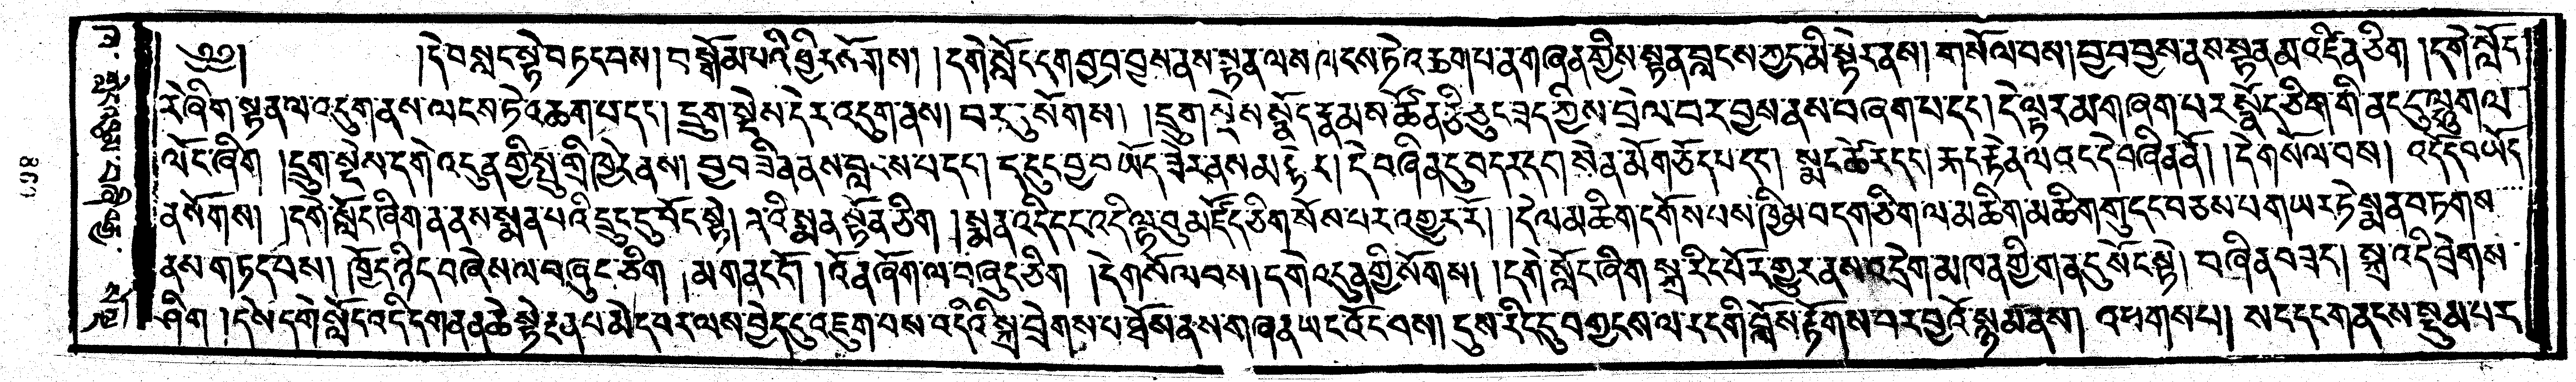༄༅། །དེ་བསླང་སྟེ་བཏང་བས། བསྒོམ་པའི་ཕྱིར་སོགས། །དགེ་སློང་དག་བྱ་བ་བྱས་ནས་སྟན་ལས་ཁངས་ཏེ་འཆག་པ་ན་གཞན་གྱིས་སྟན་བླངས་ཀྱང་མི་སྟེར་ནས་གསོལ་བས། བྱ་བ་བྱས་ནས་སྟན་མ་འཛིན་ཅིག །དགེ་སློང་
རེ་ཞིག་སྟན་ལ་འདུག་ནས་ལངས་ཏེ་འཆག་པ་དང་། དྲུག་སྡེས་དེར་འདུག་ནས། བར་དུ་སོགས། །དྲུག་སྡེས་སྣོད་རྣམས་ཚོན་རྩི་ཅུང་ཟད་ཀྱིས་བྲེལ་བར་བྱས་ནས་བཞག་པ་དང་། དེ་ལྟར་མ་གཞག་པར་སྣོད་ཅིག་གི་ནང་དུ་ལྷུག་ལ་
ལོང་ཞིག །དྲུག་སྡེས་དགེ་འདུན་གྱི་སྤུ་གྲི་ཁྱེར་ནས། བྱ་བཟིན་ནས་བླངས་པ་དང་། ད་དུང་བྱ་བ་ཡོད་ཟེར་ནས་མ་སྟེར། དེ་བཞིན་དུ་བདར་དང་། སེན་མོ་གཅོད་པ་དང་། སྨང་ཚེར་དང་། རྐང་རྟེན་ལའང་དེ་བཞིན་ནོ། །དེ་གསོལ་བས། འདོད་བ་ཡོད་
ན་སོགས། །དགེ་སློང་ཞིག་ན་ནས་སྨན་པའི་དྲུང་དུ་བོང་སྟེ། ནའི་སྨན་སྟོན་ཅིག །སྨན་འདི་དང་འདི་ལྟ་བུ་མཛོད་ཅིག་སོས་པར་འགྱུར་རོ། །དེ་ལ་མཆིག་དགོས་པས་ཁྱིམ་བདག་ཅིག་ལ་མཆིག་མཆིག་གུ་དང་བཅས་པ་གཡར་ཏེ་སྨན་བཏགས་
ནས་གཏད་པས། ཁྱོད་ཉིད་བཞེས་ལ་བཞུད་ཅིག །མ་གནང་ངོ། །འོན་ཞོག་ལ་བཞུང་ཅིག །དེ་གསོལ་བས། དགེ་འདུན་གྱི་སོགས། །དགེ་སློང་ཞིག་སྐྲ་རིང་པོར་གྱུར་ནས་འདྲེག་མཁན་གྱི་གན་དུ་སོང་སྟེ། བཞིན་བཟང་། སྐྲ་འདི་བྲེགས་
ཤིག །དེས་དགེ་སློང་འདི་དག་ནན་ཆེ་སྟེ་རྔན་པ་མེད་པར་ལས་བྱེད་དུ་འཇུག་པས་འདིའི་སྐྲ་བྲེགས་པ་ཐོས་ནས་གཞན་ཡང་འོང་བས། དུས་རིང་དུ་བགྱངས་ལ་རང་གི་བློས་རྟོགས་བར་བྱའོ་སྙམ་ནས། འཕགས་པ། སང་དང་གནངས་སྡུམ་པར་